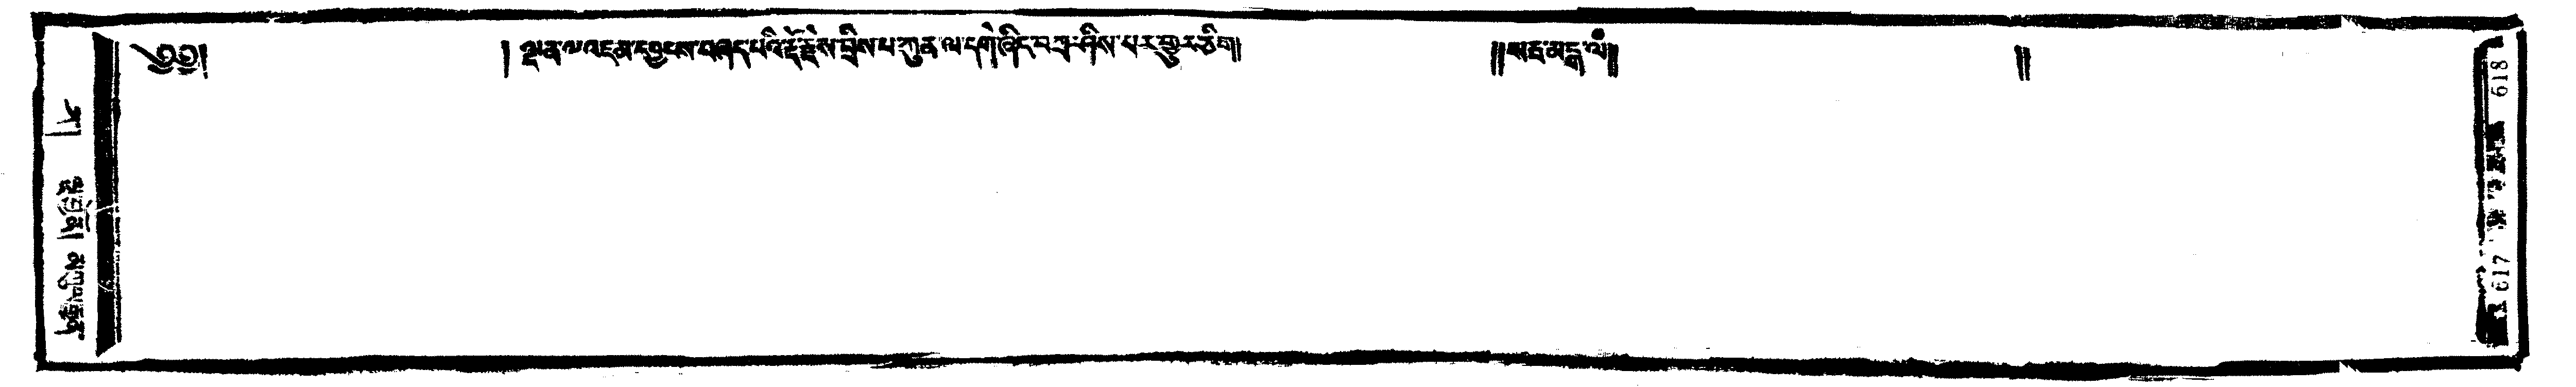༄༅། །ལྡན་~་འཇམ་དབྱངས་བཞད་པའི་རྡོ་རྗེས་བྲིས་པ་ཀུན་ལ་དགེ་ཞིང་བཀྲ་ཤིས་པར་གྱུར་ཅིག།། །།སརྦ་མངྒ་ལཾ།། །།